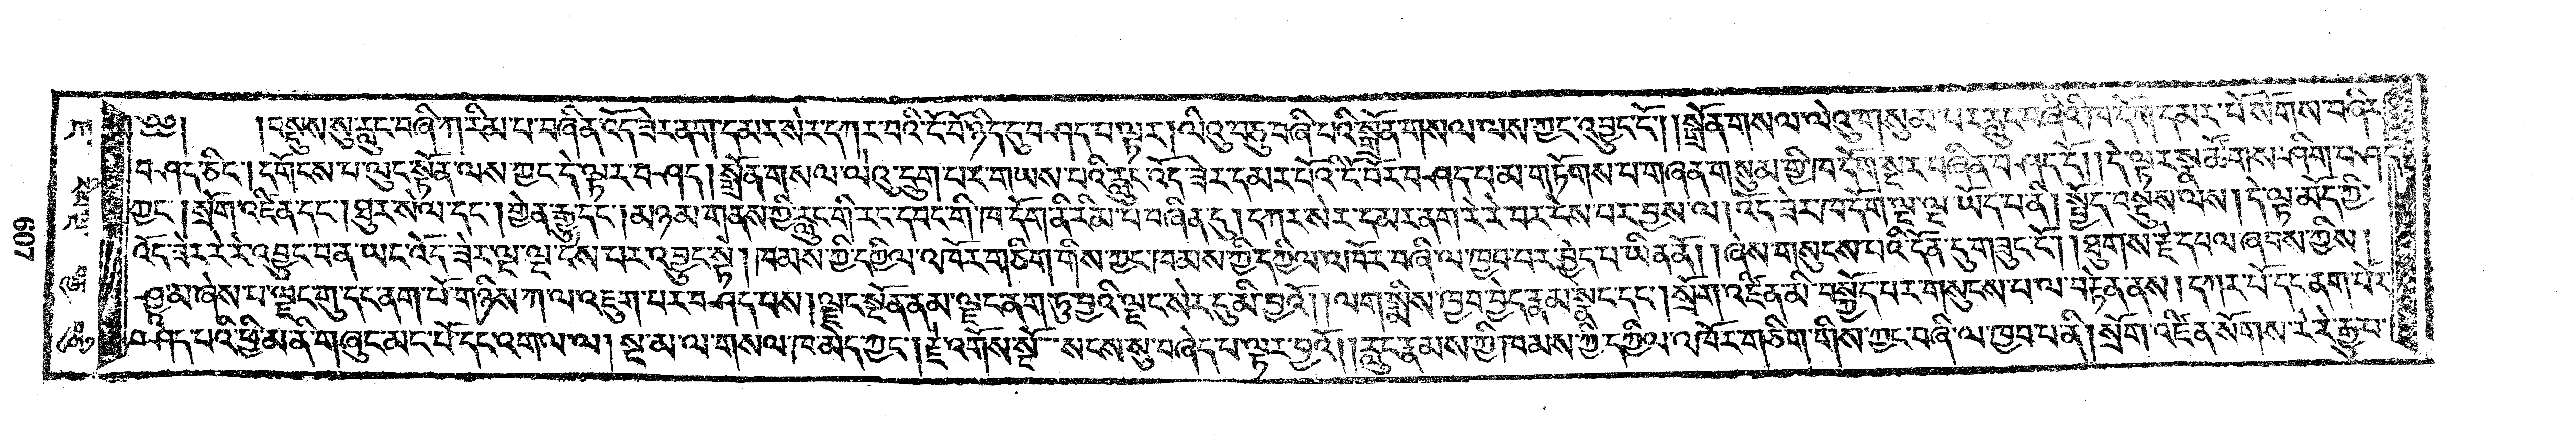༄༅། །བསྡུས་སུ་རླུང་བཞི་ཀ་རིམ་པ་བཞིན་འོད་ཟེར་ནག་དམར་སེར་དཀར་བའི་ངོ་བོ་ཉིད་དུ་བཤད་པ་ལྟར། ལེའུ་བཅུ་བཞི་པའི་སྒྲོན་གསལ་ལས་ཀྱང་འབྱུང་ངོ། །སྒྲོན་གསལ་ལེའུ་གསུམ་པར་རླུང་བཞིའི་ཁ་དོག་དམར་པོ་སོགས་བཞིར་
བཤད་ཅིང་། དགོངས་པ་ལུང་སྟོན་ལས་ཀྱང་དེ་ལྟར་བཤད། སྒྲོན་གསལ་ལེའུ་དྲུག་པར་གཡས་པའི་རླུང་འོད་ཟེར་དམར་པོའི་ངོ་བོར་བཤད་པ་མ་གཏོགས་པ་གཞན་གསུམ་གྱི་ཁ་དོག་སྔར་བཞིན་བཤད་དོ། །དེ་ལྟར་སྣ་ཚོགས་ཤིག་བཤད་
ཀྱང་།སྲོག་འཛིན་དང་།ཐུར་སེལ་དང་། གྱེན་རྒྱུ་དང་།མཉམ་གནས་ཀྱི་རླུང་གི་རང་དབང་གི་ཁ་དོག་ནི་རིམ་པ་བཞིན་དུ། དཀར་སེར་དམར་ནག་རེ་རེ་བར་ངེས་པར་བྱས་ལ། འོད་ཟེར་ཁ་དོག་ལྔ་ལྔ་ཡོད་པ་ནི། སྤྱོད་བསྡུས་ལས། དེ་ལྟ་མོད་ཀྱི་
འོད་ཟེར་རེ་རེ་འབྱུང་བ་ན་ཡང་འོད་ཟེར་ལྔ་ལྔ་ངེས་པར་འབྱུང་སྟེ། ཁམས་ཀྱི་དཀྱིལ་འཁོར་གཅིག་གིས་ཀྱང་ཁམས་ཀྱི་དཀྱིལ་འཁོར་བཞི་ལ་ཁྱབ་པར་བྱེད་པ་ཡིན་ནོ། །ཞེས་གསུངས་པའི་དོན་དུ་གཟུང་ངོ། །ཐུགས་རྗེ་དཔལ་ཞབས་ཀྱིས།
ཤྱཱ་མ་ཞེས་པ་ལྗང་གུ་དང་ནག་པོ་གཉིས་ཀ་ལ་འཇུག་པར་བཤད་པས། ལྗང་སྔོན་ནམ་ལྗང་ནག་ཏུ་བྱའི་ལྗང་སེར་དུ་མི་བྱའོ། །ལག་སྨིས་ཁྱབ་བྱེད་རྣམ་སྣང་དང་། སྲོག་འཛིན་མི་བསྐྱོད་པར་གསུངས་པ་ལ་བརྟེན་ནས། དཀར་པོ་དང་ནག་པོར་
བཤད་པའི་ཕྱི་མ་ནི་གཞུང་མང་པོ་དང་འགལ་ལ། སྔ་མ་ལ་གསལ་ཁ་མེད་ཀྱང་།རྗེ་འགོས་སྔོ་སངས་སུ་བཞེད་པ་ལྟར་བྱའོ། །རླུང་རྣམས་ཀྱི་ཁམས་ཀྱི་དཀྱིལ་འཁོར་གཅིག་གིས་ཀྱང་བཞི་ལ་ཁྱབ་པ་ནི། སྲོག་འཛིན་སོགས་རེ་རེ་རྒྱུ་བ་